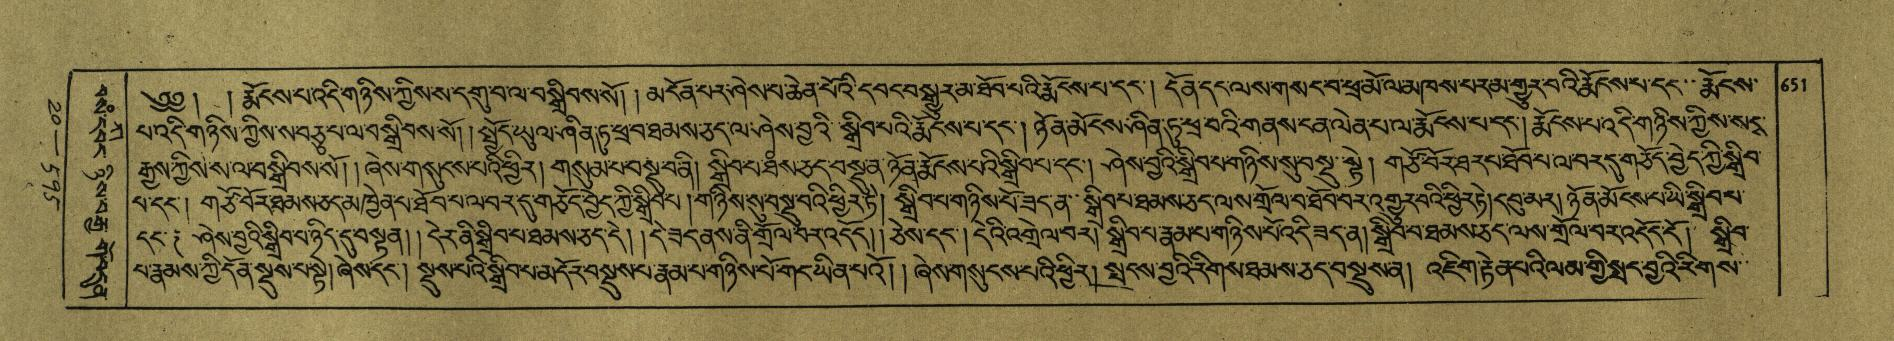༄༅། །རྨོངས་པ་འདི་གཉིས་ཀྱིས་ས་དགུ་བ་ལ་བསྒྲིབས་སོ། །མངོན་པར་ཤེས་པ་ཆེན་པོའི་དབང་བསྒྱུར་མ་ཐོབ་པའི་རྨོངས་པ་དང་། དོན་དང་ལས་གསང་བ་ཕྲ་མོ་ལ་མཁས་པར་མ་གྱུར་པའི་རྨོངས་པ་དང་རྨོངས་
པ་འདི་གཉིས་ཀྱིས་ས་བཅུ་པ་ལ་བསྒྲིབས་སོ། །སྤྱོད་ཡུལ་ཤིན་ཏུ་ཕྲ་བ་ཐམས་ཅད་ལ་ཤེས་བྱའི་སྒྲིབ་པའི་རྨོངས་པ་དང་། ཉོན་མོངས་ཤིན་ཏུ་ཕྲ་བའི་གནས་ངན་ལེན་པ་ལ་རྨོངས་པ་དང་། རྨོངས་པ་འདི་གཉིས་ཀྱིས་སངས་
རྒྱས་ཀྱིས་ས་ལ་བསྒྲིབས་སོ། །ཞེས་གསུངས་པའི་ཕྱིར། གསུམ་པ་བསྡུ་བ་ནི། སྒྲིབ་པ་ཐཾས་ཅད་བསྡུ་ན་ཉོན་རྨོངས་པའི་སྒྲིབ་པ་དང་། ཤེས་བྱའི་སྒྲིབ་པ་གཉིས་སུ་བསྡུ་སྟེ། གཙོ་བོར་ཐར་པ་ཐོབ་པ་ལ་བར་དུ་གཅོད་བྱེད་ཀྱི་སྒྲིབ་
པ་དང་། གཙོ་བོར་ཐམས་ཅད་མཁྱེན་པ་ཐོབ་པ་ལ་བར་དུ་གཅོད་བྱེད་ཀྱི་སྒྲིབ་པ། གཉིས་སུ་བསྡུ་བའི་ཕྱིར་ཏེ། སྒྲིབ་པ་གཉིས་པོ་ཟད་ན་སྒྲིབ་པ་ཐམས་ཅད་ལས་གྲོལ་བ་ཐོབ་པར་འགྱུར་བའི་ཕྱིར་ཏེ། དབུ་མར། ཉོན་མོངས་པ་ཡི་སྒྲིབ་པ་
དང༑ ཤེས་བྱའི་སྒྲིབ་པ་ཉིད་དུ་བསྟན། །དེར་ནི་སྒྲིབ་པ་ཐམས་ཅད་དེ། །དེ་ཟད་ནས་ནི་གྲོལ་བར་འདོད། །ཅེས་དང་། དེའི་འགྲེལ་བར། སྒྲིབ་པ་རྣམ་པ་གཉིས་པོ་འདི་ཟད་ན། སྒྲིབ་པ་ཐམས་ཅད་ལས་གྲོལ་བར་འདོད་དོ། །སྒྲིབ་
པ་རྣམས་ཀྱི་དོན་སྡུས་པ་སྟེ། ཞེས་དང་། སྡུས་པའི་སྒྲིབ་པ་མདོར་བསྡུས་པ་རྣམ་པ་གཉིས་པོ་གང་ཡིན་པའོ། །ཞེས་གསུངས་པའི་ཕྱིར། སྤངས་བྱའི་རིགས་ཐམས་ཅད་བསྡུས་ན། འཇིག་རྟེན་པའི་ལམ་གྱི་སྤང་བྱའི་རིགས་